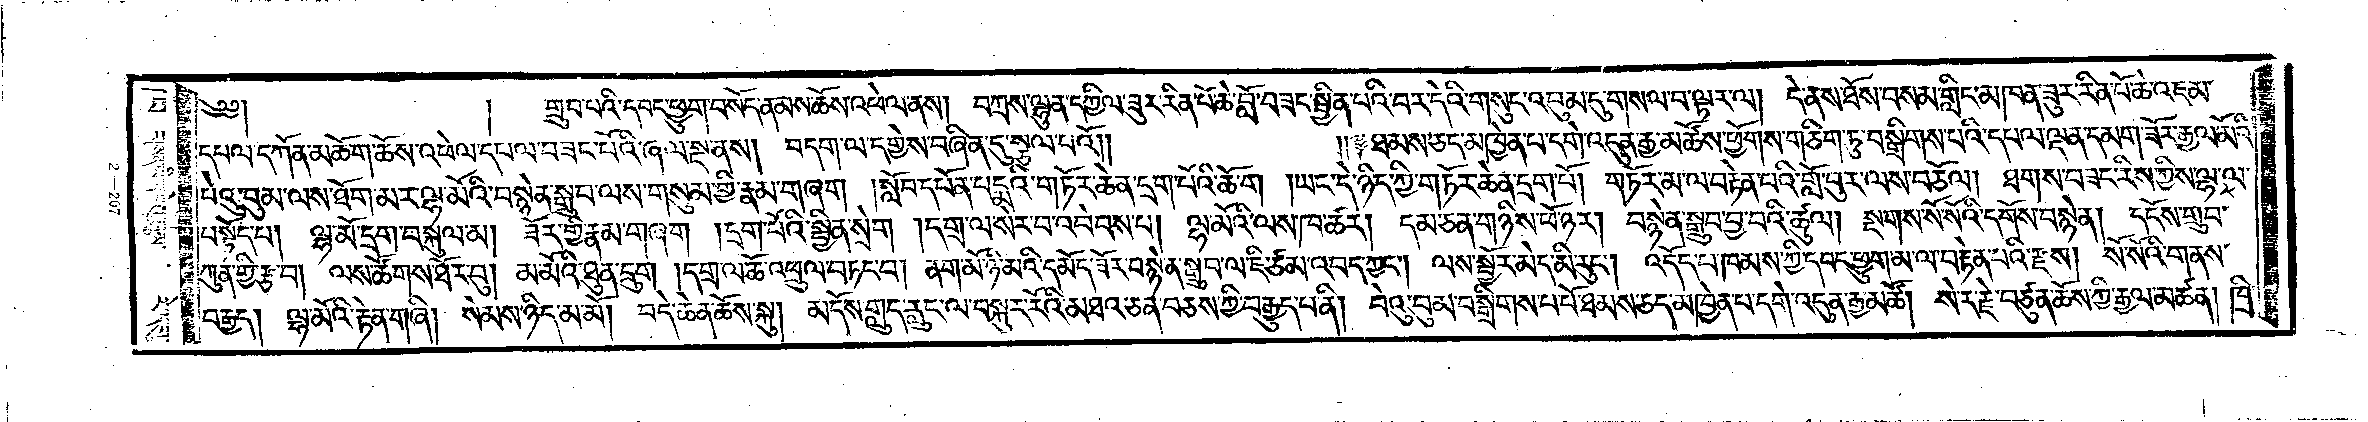༄༅། །གྲུབ་པའི་དབང་ཕྱུག་བསོད་ནམས་ཆོས་འཕེལ་ནས། བཀྲས་ལྷུན་དཀྱིལ་ཟུར་རིན་པོ་ཆེ་བློ་བཟང་སྦྱིན་པའི་བར་དེའི་གསུང་འབུམ་དུ་གསལ་བ་ལྟར་ལ། དེ་ནས་ཐོགས་བསམ་གླིང་མཁན་ཟུར་རིན་པོ་ཆེ་འཇམ་
དཔལ་དཀོན་མཆོག་ཆོས་འཕེལ་དཔལ་བཟང་པོའི་ཞལ་སྔ་ནས། བདག་ལ་དགྱེས་བཞིན་དུ་སྩལ་བའོ།། །།༈ཐམས་ཅད་མཁྱེན་པ་དགེ་འདུན་རྒྱ་མཚོས་ཕྱོགས་གཅིག་ཏུ་བསྒྲིགས་པའི་དཔལ་ལྡན་དམག་ཟོར་རྒྱལ་མོའི་
པེའུ་བུམ་ལས་ཐོག་མར་ལྷ་མོའི་བསྙེན་སྒྲུབ་ལས་གསུམ་གྱི་རྣམ་གཞག །སློབ་དཔོན་པདམའི་གཏོར་ཆེན་དྲག་པོའི་ཆོས་ག། ཡང་དེ་ཉིད་ཀྱི་གཏོར་ཆེན་དྲག་པོ། གཏོར་མ་ལ་བརྟེན་པའི་གློ་བུར་ལས་བཅོལ། ཐགས་བཟང་རིས་ཀྱིས་ལྷ྾་ལ་
བསྟོད་པ། ལྷ་མོ་དྲག་བསྐུལ་མ། ཟོར་གྱི་རྣམ་གཞག །དྲག་པོའི་སྦྱིན་སྲེག །དྲག་ལ་སེར་བ་འདེབས་པ། ལྷ་མོའི་ལས་ཁ་ཚར། དམ་ཅན་གཉིས་ཕོ་ཉར། བསྙེན་སྒྲུབ་བྱ་བའི་ཚུལ། སྔགས་སོ་སོའི་དགོས་བསྙེན། དངོས་གྲུབ་
ཀུན་གྱི་རྩ་བ། ལས་ཚོགས་ཐོར་བུ། མ་མོའི་ཐུན་དྲུག །དགྲ་ལ་ཆོ་འཕྲུལ་བཏང་བ། ནག་མོ་ཉི་མའི་དམོད་ཟོར་བསྙེན་སྒྲུབ་ལ་ཇི་ཙམ་འབད་ཀྱང་། ལས་སྦྱོར་མེད་མི་རུང་། འདོད་པ་ཁམས་ཀྱི་དབང་ཕྱུག་མ་ལ་བརྟེན་པའི་རྫས། སོ་སོའི་གནས་
བརྒྱད། ལྷ་མོའི་རྟེན་གཞི། སེམས་ཉིད་མ་མོ། བདེ་ཆེན་ཆོས་སྐུ། མདོས་གླུད་རླུང་ལ་བསྐུར་རོའི་མཐའ་ཅན་བཅས་ཀྱི་བརྒྱུད་པ་ནི། བེའུ་བུམ་བསྒྲིགས་པ་པོ་ཐམས་ཅད་མཁྱེན་པ་དགེ་འདུན་རྒྱ་མཚོ། སེ་ར་རྗེ་བཙུན་ཆོས་ཀྱི་རྒྱལ་མཚན། ཁྲི་